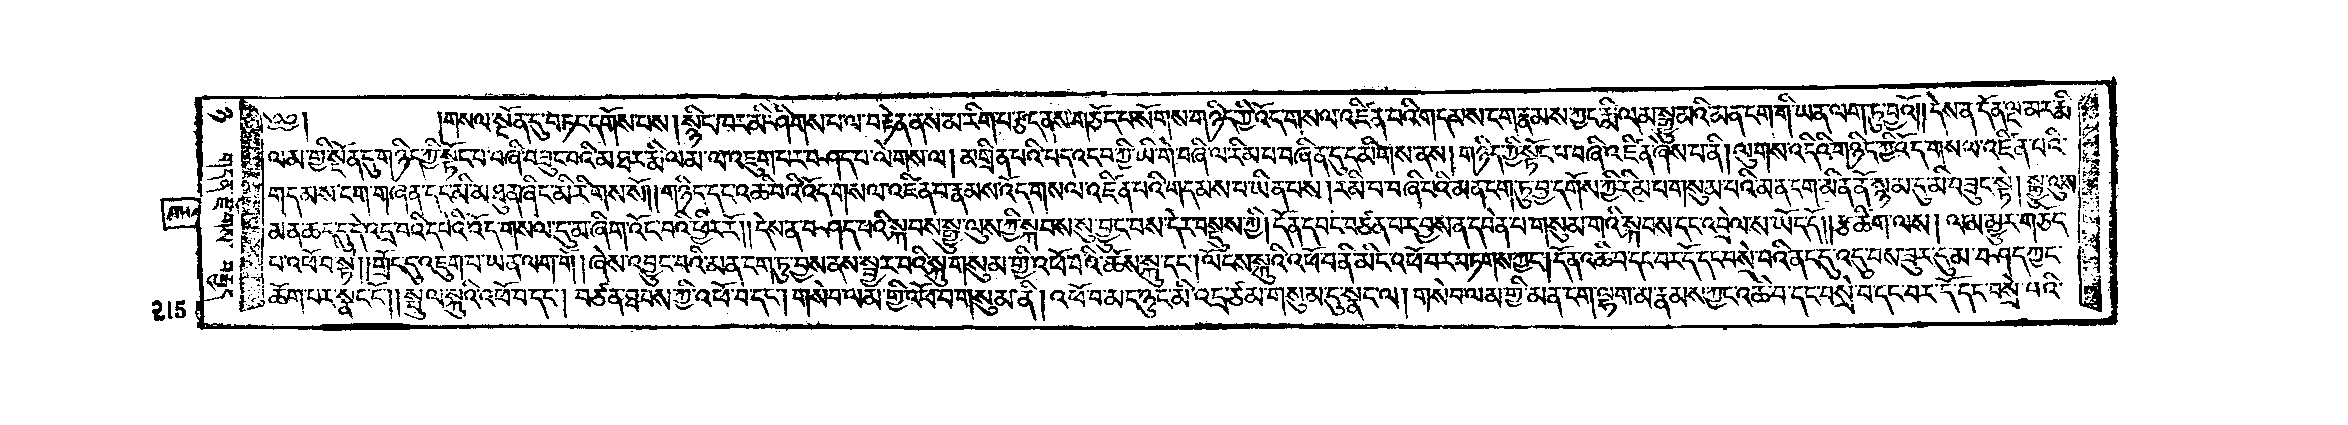༄༅། །གསལ་སྔོན་དུ་བཏང་དགོས་པས། སྙིང་ཁར་མི་ཤིགས་པ་ལ་བརྟེན་ནས་མ་རིག་པ་རྩད་ནས་གཅོད་པ་སོགས་གཉིད་ཀྱི་འོད་གསལ་འཛིན་པའི་གདམས་ངག་རྣམས་ཀྱང་རྨི་ལམ་སྒྱུ་མའི་མན་ངག་གི་ཡན་ལག་ཏུ་བྱའོ། །དེས་ན་དོན་ལྔ་མར་རྨི་
ལམ་གྱི་སྔོན་དུ་གཉིད་ཀྱི་སྟོང་པ་བཞི་བཟུང་བའི་མཐར་རྨི་ལམ་ལ་འཇུག་པར་བཤད་པ་ལེགས་ལ། མགྲིན་པའི་པད་འདབ་ཀྱི་ཡི་གེ་བཞི་ལ་རིམ་པ་བཞིན་དུ་དམིགས་ནས། གཉིད་ཀྱི་སྟོང་པ་བཞི་འཛིན་ཞེས་པ་ནི། ལུགས་འདིའི་གཉིད་ཀྱི་འོད་གསལ་འཛིན་པའི་
གདམས་ངག་གཞན་དང་མི་མཐུན་ཞིང་མི་རིགས་སོ། །གཉིད་དང་འཆི་བའི་འོད་གསལ་འཛིན་པ་རྣམས་འོད་གསལ་འཛིན་པའི་གདམས་པ་ཡིན་པས། རིམ་པ་བཞི་པའི་མན་ངག་ཏུ་བྱ་དགོས་ཀྱི་རིམ་པ་གསུམ་པའི་མན་ངག་མིན་ནོ་སྙམ་དུ་མི་བཟུང་སྟེ། སྒྱུ་ལུས་
མན་ཆད་དུ་དེ་འདྲ་བའི་དཔེའི་འོད་གསལ་དུ་མ་ཞིག་འོང་བའི་ཕྱིར་རོ། །དེས་ན་བཤད་པའི་སྐབས་སྒྱུ་ལུས་ཀྱི་སྐབས་སུ་བྱུང་བས་དེར་བསྡུས་ཀྱི། དོན་དབང་བཙན་པར་བྱས་ན་དབེན་པ་གསུམ་གའི་སྐབས་དང་འབྲེལ་ས་ཡོད་དོ། །རྩ་ཚིག་ལས། ལམ་མྱུར་གཅོད་
པ་འཕོ་བ་སྟེ། །གྲོང་དུ་འཇུག་པ་ཡན་ལག་གོ། ཞེས་འབྱུང་བའི་མན་ངག་ཏུ་བྱས་ནས་སྦྱར་བའི་སྐུ་གསུམ་གྱི་འཕོ་བའི་ཆོས་སྐུ་དང་། ལོངས་སྐུའི་འཕོ་བ་ནི་མིང་འཕོ་བར་བཏགས་ཀྱང་། དོན་འཆི་བ་དང་བར་དོ་དང་བསྲེ་བའི་ནང་དུ་འདུ་བས་ཟུར་དུ་མ་བཤད་ཀྱང་
ཆོག་པར་སྣང་ངོ། །སྤྲུལ་སྐུའི་འཕོ་བ་དང་། བཙན་ཐབས་ཀྱི་འཕོ་བ་དང་། གསེབ་ལམ་གྱི་འཕོ་བ་གསུམ་ནི། འཕོ་བ་མང་ཉུང་མི་འདྲ་ཙམ་གསུམ་དུ་སྣང་ལ། གསེབ་ལམ་གྱི་མན་ངག་ལྷག་མ་རྣམས་ཀྱང་འཆི་བ་དང་བསྲེ་བ་དང་བར་དོ་དང་བསྲེ་བའི་